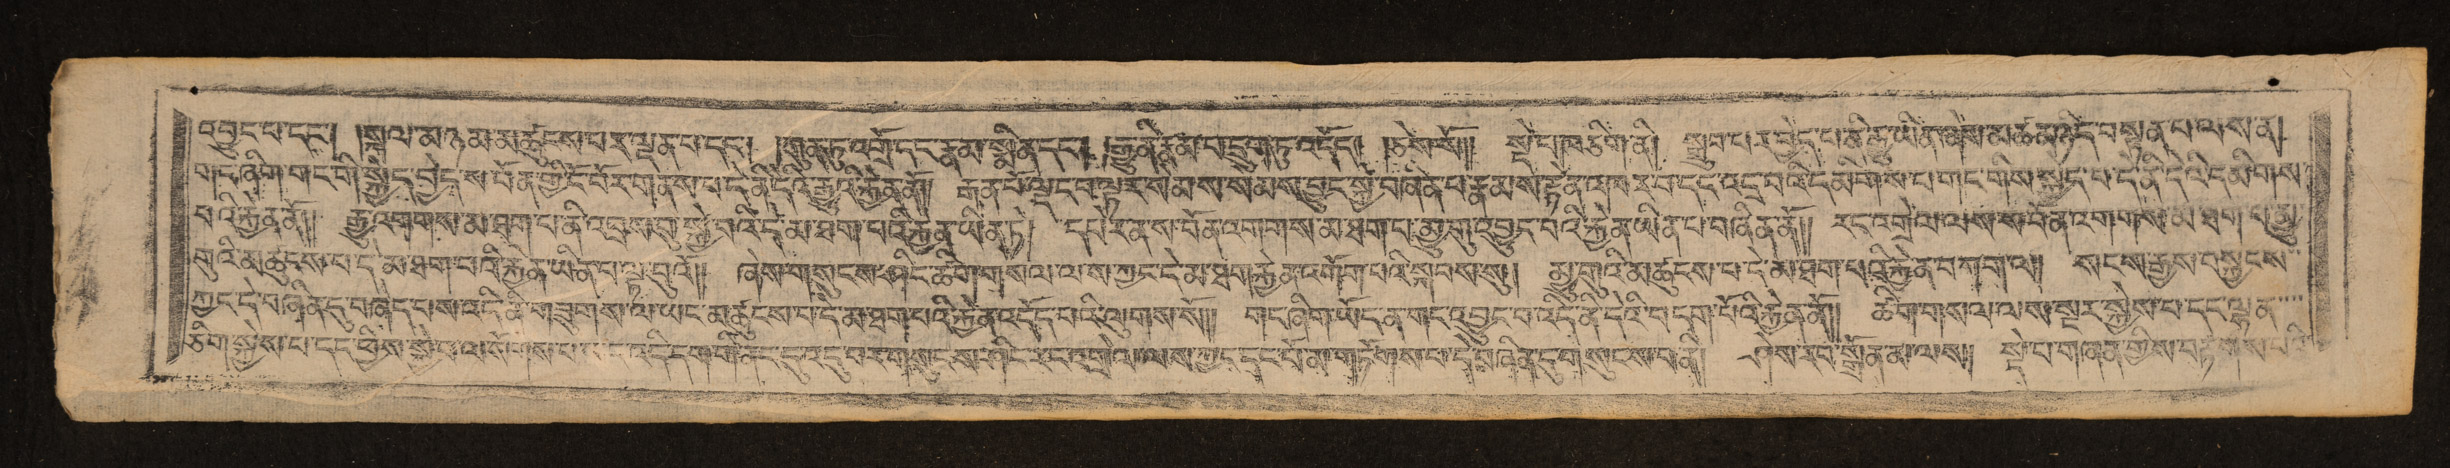འབྱུང་བ་དང་། །སྐལ་མཉམ་མཚུངས་པར་ལྡན་པ་དང་། །ཀུན་ཏུ་འགྲོ་དང་རྣམ་སྨིན་དང་། །རྒྱུ་ནི་རྣམ་པ་དྲུག་ཏུ་འདོད། །ཅེས་སོ།། སྡེ་པ་ཁ་ཅིག་ནི། སྒྲུབ་པར་བྱེད་པ་ནི་རྒྱུ་ཡིན་ཞེས་མཚན་ཉིད་བསྟན་པ་ལས་ན།
གང་ཞིག་གང་གི་སྐྱེད་བྱེད་ས་བོན་གྱི་ངོ་བོར་གནས་པ་དེ་ནི་དེའི་རྒྱུའི་རྐྱེན་ནོ།། རྒན་པོ་ལྡང་བ་ལྟར་སེམས་སེམས་བྱུང་སྐྱེ་བཞིན་པ་རྣམས་རྟེན་འཁར་བ་དང་འདྲ་བའི་དམིགས་པ་གང་གིས་སྐྱེད་པ་དེ་ནི་དེའི་དམིགས་
པའི་རྐྱེན་ནོ།། རྒྱུ་འགགས་མ་ཐག་པ་ནི་འབྲས་བུ་སྐྱེ་བའི་དེ་མ་ཐག་པའི་རྐྱེན་ཡིན་ཏེ། དཔེར་ན་ས་བོན་འགགས་མ་ཐག་པ་མྱུ་གུ་འབྱུང་བའི་རྐྱེན་ཡིན་པ་བཞིན་ནོ།། རང་འགྲེལ་ལས་ས་བོན་འགགས་མ་ཐག་པ་མྱུ་
གུའི་མཚུངས་པ་དེ་མ་ཐག་པའི་རྐྱེན་ཡིན་པ་ལྟ་བུའོ།། ཞེས་གསུངས་ཤིང་ཚིག་གསལ་ལས་ཀྱང་དེ་མ་ཐག་རྐྱེན་འགོག་པའི་སྐབས་སུ། མྱུ་གུའི་མཚུངས་པ་དེ་མ་ཐག་པའི་རྐྱེན་བཀག་ལ། སངས་རྒྱས་བསྐྱངས་
ཀྱང་དེ་བཞིན་དུ་བཞེད་པས་འདི་ནི་གཟུགས་ལ་ཡང་མཚུངས་པ་དེ་མ་ཐག་པའི་རྐྱེན་འདོད་པའི་ལུགས་སོ།། གང་ཞིག་ཡོད་ན་གང་འབྱུང་བ་འདི་ནི་དེའི་བདག་པོའི་རྐྱེན་ནོ།། ཚིག་གསལ་ལས་སྔར་སྐྱེས་པ་དང་ལྷན་
ཅིག་སྐྱེས་པ་དང་ཕྱིས་སྐྱེ་བ་ལ་སོགས་པ་ཡང་འདི་དག་གི་ནང་དུ་འདུ་བར་གསུངས་ཤིང་རང་འགྲེལ་ལས་ཀྱང་དང་པོ་མ་གཏོགས་པ་དེ་བཞིན་དུ་གསུངས་པ་ནི། ཤེས་རབ་སྒྲོན་མ་ལས། སྡེ་པ་གཞན་གྱིས་བརྟགས་པའི་